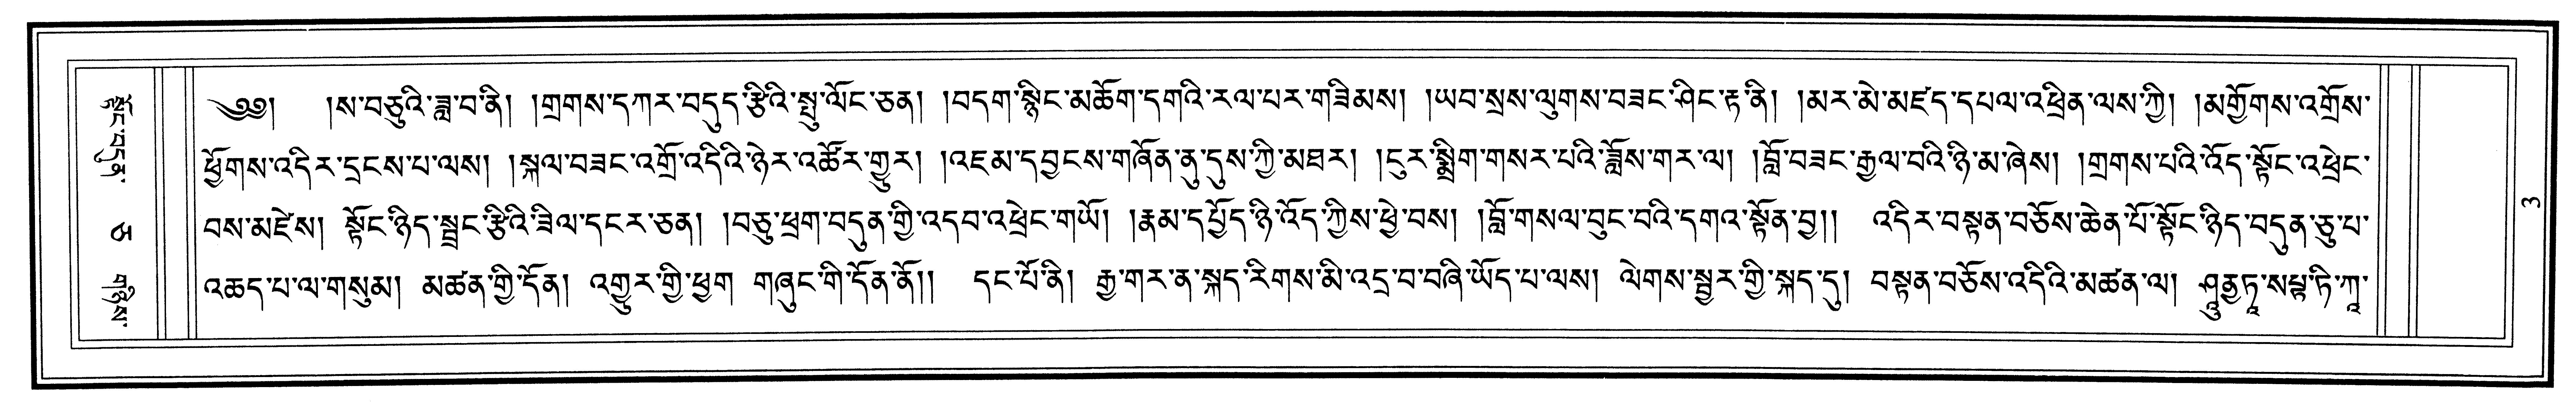༄༅། །ས་བཅུའི་ཟླ་བ་ནི། །གྲགས་དཀར་བདུད་རྩིའི་སྤུ་ལོང་ཅན། །བདག་སྙིང་མཆོག་དགའི་རལ་པར་གཟིམས། །ཡབ་སྲས་ལུགས་བཟང་ཤིང་རྟ་ནི། །མར་མེ་མཛད་དཔལ་འཕྲིན་ལས་ཀྱི། །མགྱོགས་འགྲོས་
ཕྱོགས་འདིར་དྲངས་པ་ལས། །སྐལ་བཟང་འགྲོ་འདིའི་ཉེར་འཚོར་གྱུར། །འཇམ་དབྱངས་གཞོན་ནུ་དུས་ཀྱི་མཐར། །ངུར་སྨྲིག་གསར་པའི་ཟློས་གར་ལ། །བློ་བཟང་རྒྱལ་བའི་ཉི་མ་ཞེས། །གྲགས་པའི་འོད་སྟོང་འཕྲེང་
བས་མཛེས། སྟོང་ཉིད་སྦྲང་རྩིའི་ཟིལ་དངར་ཅན། །བཅུ་ཕྲག་བདུན་གྱི་འདབ་འཕྲེང་གཡོ། །རྣམ་དཔྱོད་ཉི་འོད་ཀྱིས་ཕྱེ་བས། །བློ་གསལ་བུང་བའི་དགའ་སྟོན་བྱ།། འདིར་བསྟན་བཅོས་ཆེན་པོ་སྟོང་ཉིད་བདུན་ཅུ་པ་
འཆད་པ་ལ་གསུམ། མཚན་གྱི་དོན། འགྱུར་གྱི་ཕྱག་གཞུང་གི་དོན་ནོ།། དང་པོ་ནི། རྒྱ་གར་ན་སྐད་རིགས་མི་འདྲ་བ་བཞི་ཡོད་པ་ལས། ལེགས་སྦྱར་གྱི་སྐད་དུ། བསྟན་བཅོས་འདིའི་མཚན་ལ། ཤཱུནྱ་ཏཱ་སཔྟ་ཏི་ཀཱ་